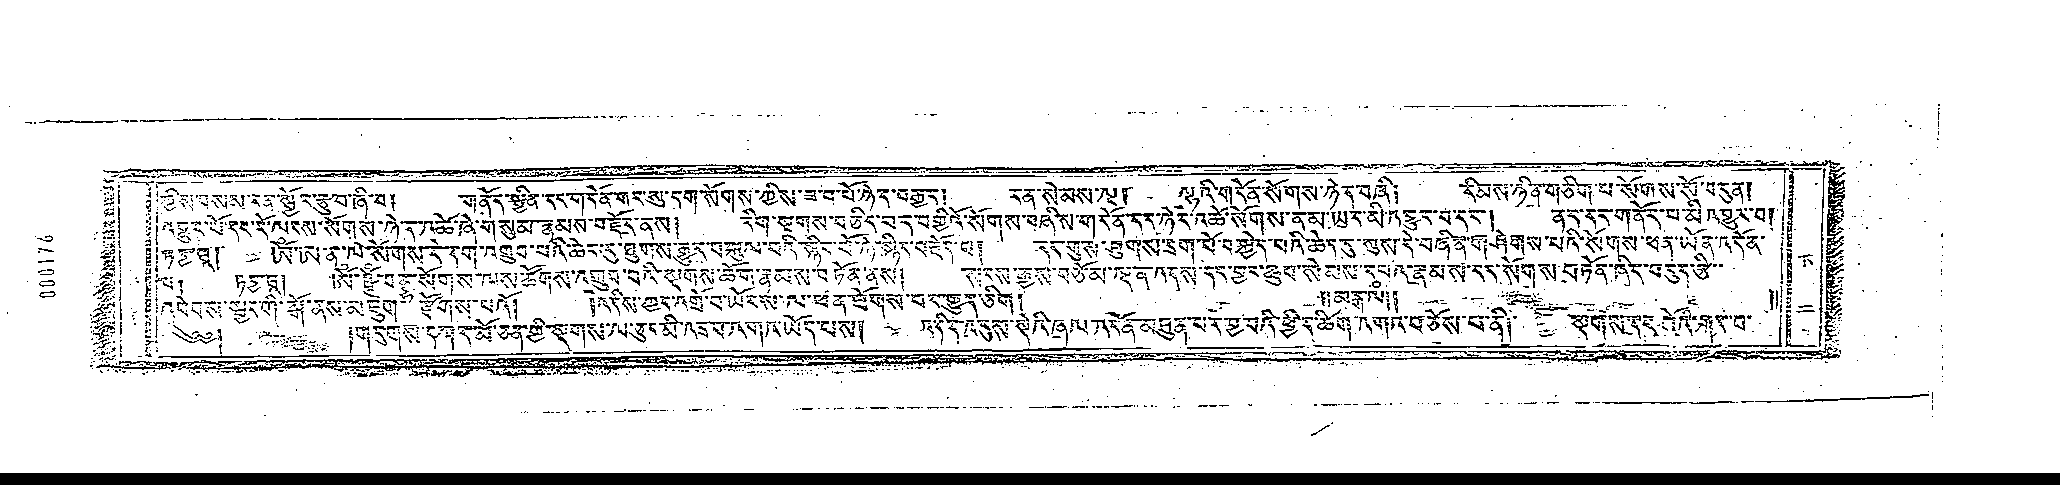ཀྱིས་བསམ་ངན་སྦྱོར་རྩུབ་ཞི་བ། །གནོད་སྦྱིན་དང་གདོན་གང་སུ་དག་སོགས་ཀྱིས་ཟ་བ་པོ་ཉེར་བརྒྱད། །ངན་སེམས་ལྔ། །ལྷའི་གདོན་སོགས་ཉེར་བཞི། །རིམས་ཉིན་གཅིག་པ་སོགས་སོ་བདུན།
འབྱུང་བོ་དང་རོ་ལངས་སོགས་ཉེར་འཚེ་ཞེ་གསུམ་རྣམས་བརྗོད་ནས། །རིག་སྔགས་བཅིང་བར་བགྱིའོ་སོགས་བཞིས་གདོན་དང་ཉེར་འཚེ་སོགས་ནམ་ཡང་མི་འབྱུང་བ་དང་། །ནད་དང་གནོད་པ་མི་འབྱུང་བ།
ཏདྱ་ཐཱ། །ཨོཾ་ཨ་ན་ལེ་སོགས་དེ་དག་འགྲུབ་པའི་ཆེད་དུ་ཐུགས་རྒྱུད་བསྐུལ་བའི་སྙིང་པོ་ཉེ་སྙིང་བརྗོད་པ། །དད་གུས་ཤུགས་དྲག་པོ་བསྐྱེད་པའི་ཆེད་དུ་སུས་དེ་བཞིན་གཤེགས་པའི་སོགས་ཕན་ཡོན་འདོན་
པ། །ཏདྱ་ཐཱ། །ཨོཾ་ཥྚོཾ་བནྡྷ་སོགས་ལས་ཚོགས་འགྲུབ་པའི་སྔགས་ཆོ་ག་རྣམས་བཏོན་ནས། །སངས་རྒྱས་བཅོམ་ལྡན་འདས་དང་བྱང་ཆུབ་སེམས་དཔའ་རྣམས་དང་སོགས་བཏོན་ཞིང་བདུད་རྩི་
འབེབས་སྦྱང་གི་སྒོ་ནས་མཇུག་རྫོགས་པའོ། །འདིས་ཀྱང་འགྲོ་བ་ཡོངས་ལ་ཕན་ཐོགས་པར་གྱུར་ཅིག། །།མངྒ་ལཾ།། །།
༄༅། །གདུགས་དཀར་མོ་ཅན་གྱི་སྔགས་ལ་ཅུང་མི་འདྲ་བ་འགའ་ཡོད་པས། །འདིར་འདུས་སྡེའི་ཞལ་འདོན་མཐུན་པར་བྱ་བའི་ཕྱིར་ཚིག་འགའ་བཅོས་པ་ནི། སྔགས་དང་པོའི་རྐང་པ་